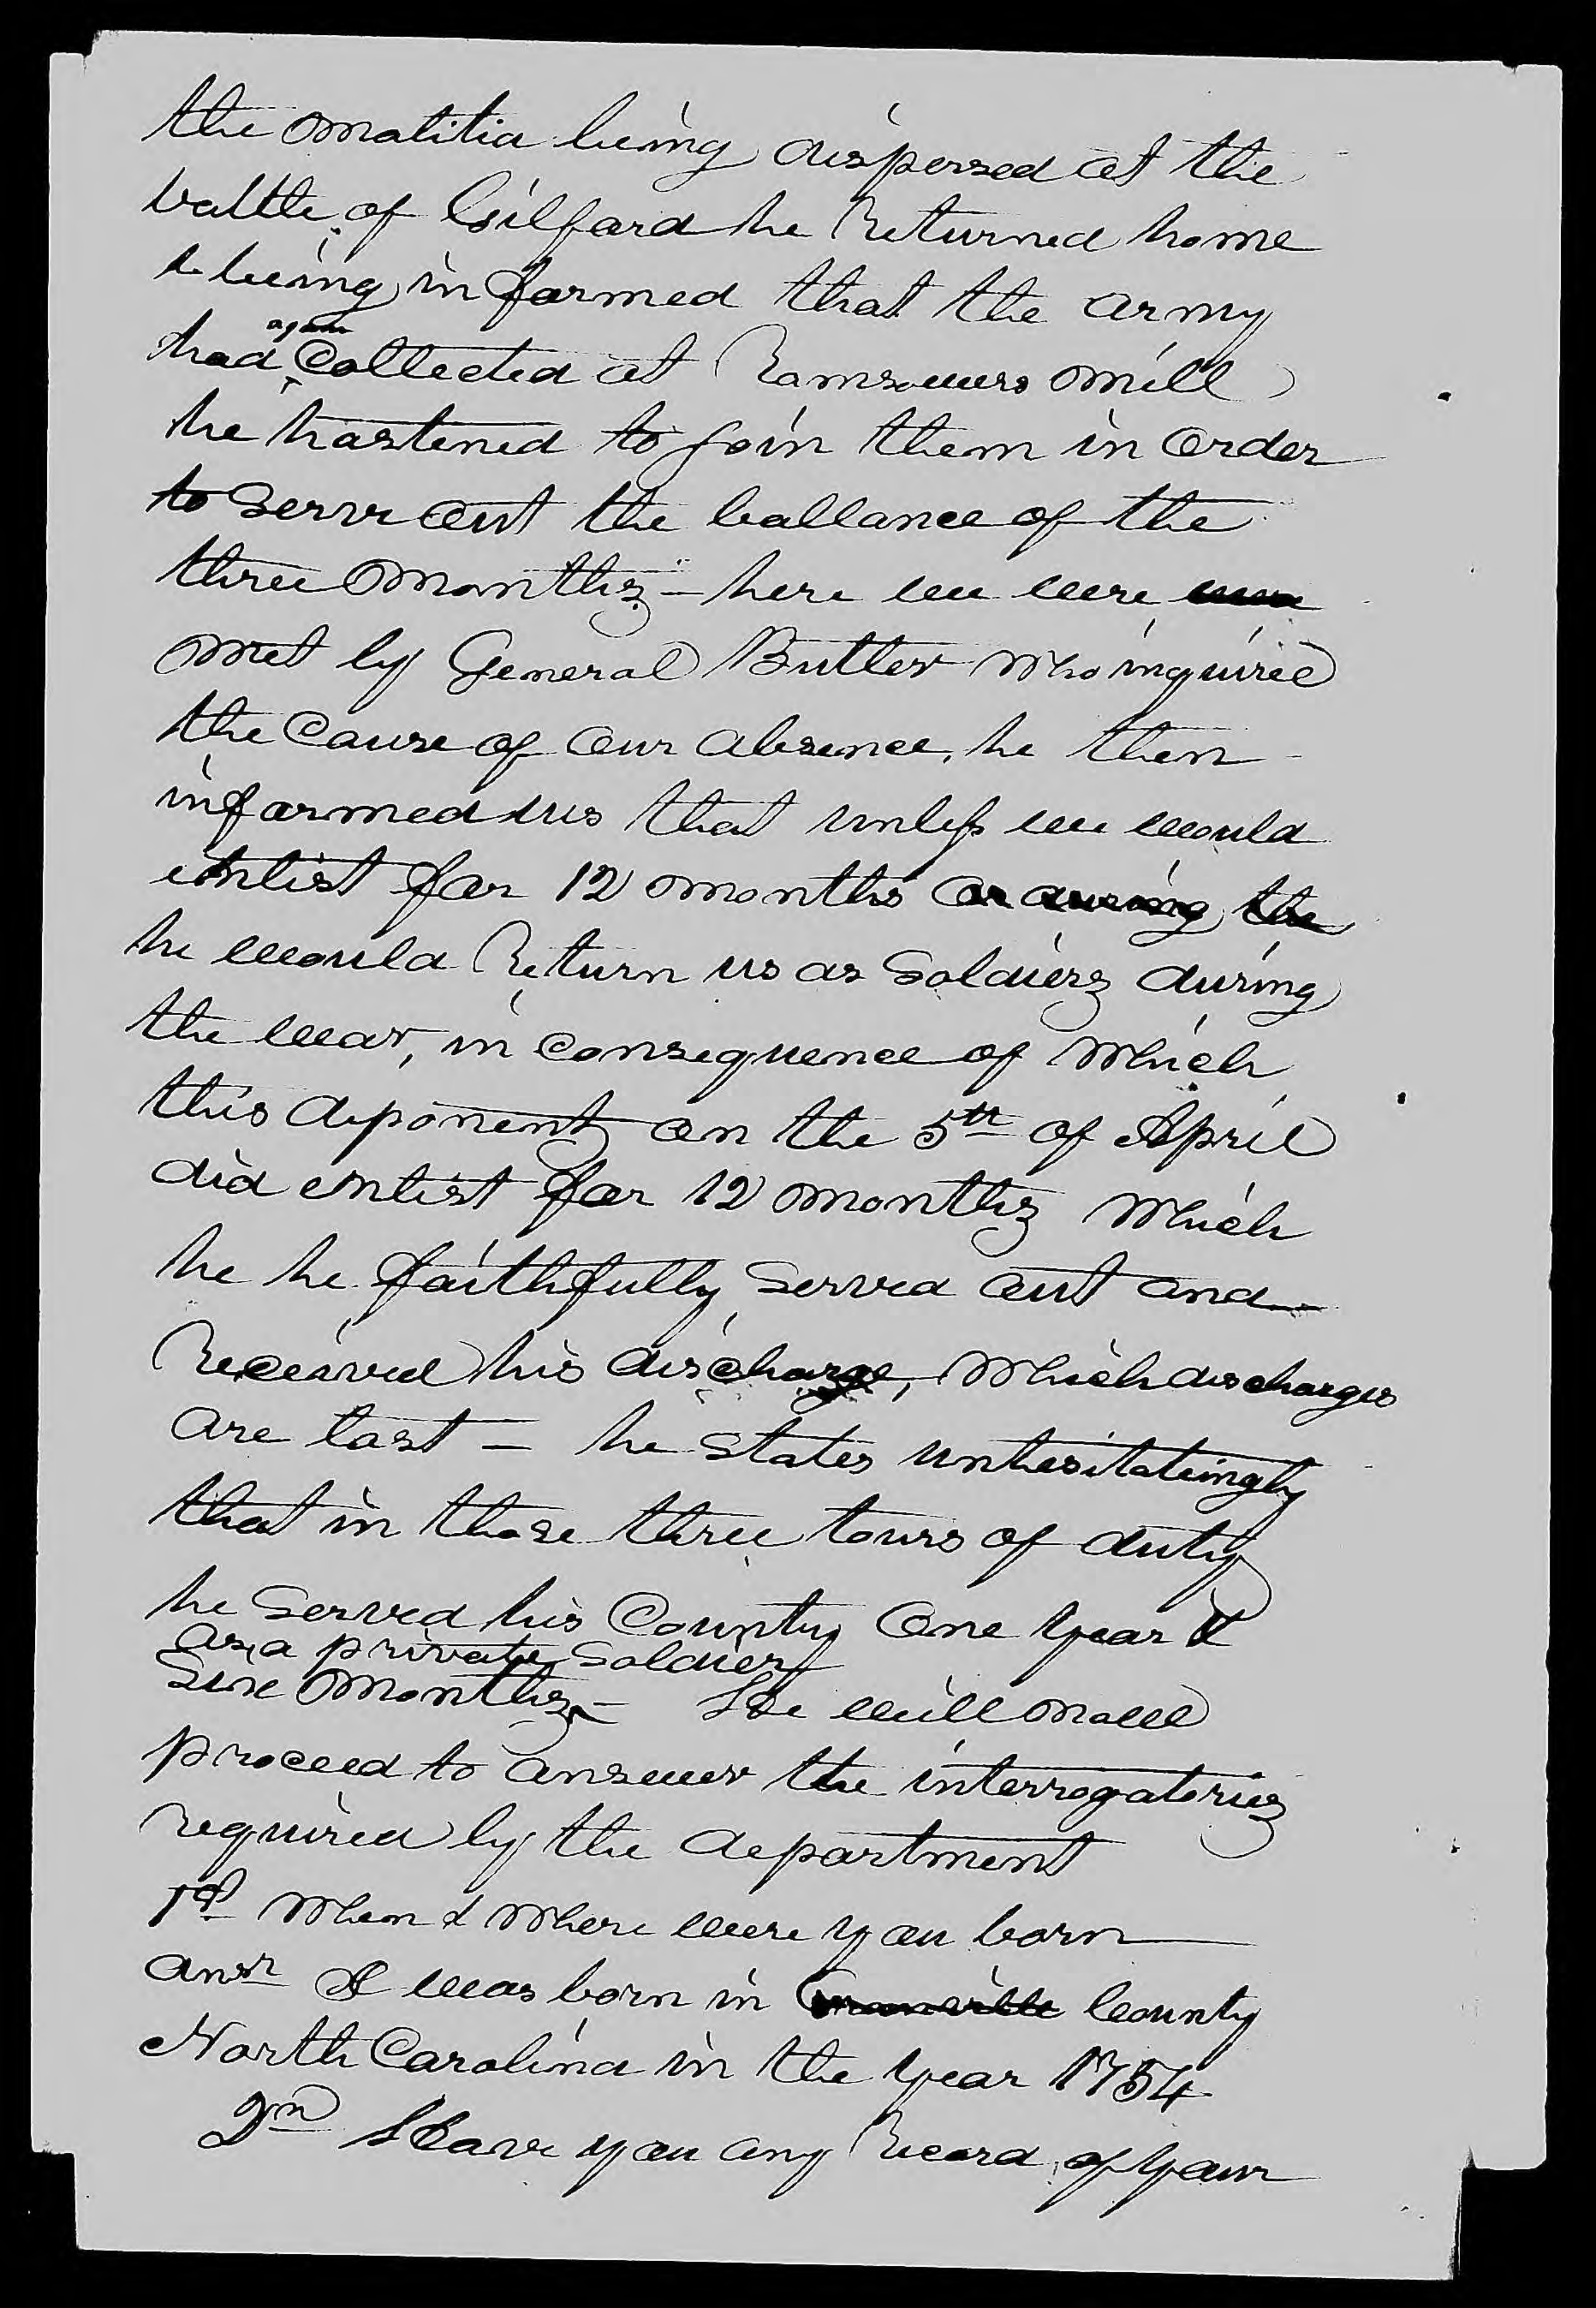the militia being dispersed at the battle of Guilford he returned home & being informed that the Army had [^ again] collected at Ramsour's Mill [Ramsey's Mill] he hastened to join them in order to serve out the ballance [balance] of the three months – here we were met by General Butler who inquired the cause of our absence, he then informed us that unless we would enlist for 12 months he would Return us as Soldiers during the War, in consequence of which this deponent on the 5th of April did enlist for 12 months which he faithfully served out and received his discharge, which discharges are lost – he states unhesitatingly that in these three tours of duty he served his Country one year & six months [^ as a private Soldier]. He will now proceed to answer the interrogatories required by the Department 

1st: When and in what year were you born? 
Ansr [Answer]: I was born in Granville County North Carolina in the year 1754. 
2nd Have you any record of your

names: Butler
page: 8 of 27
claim: rejected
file: R. 5006, Richard Hill, N.C.